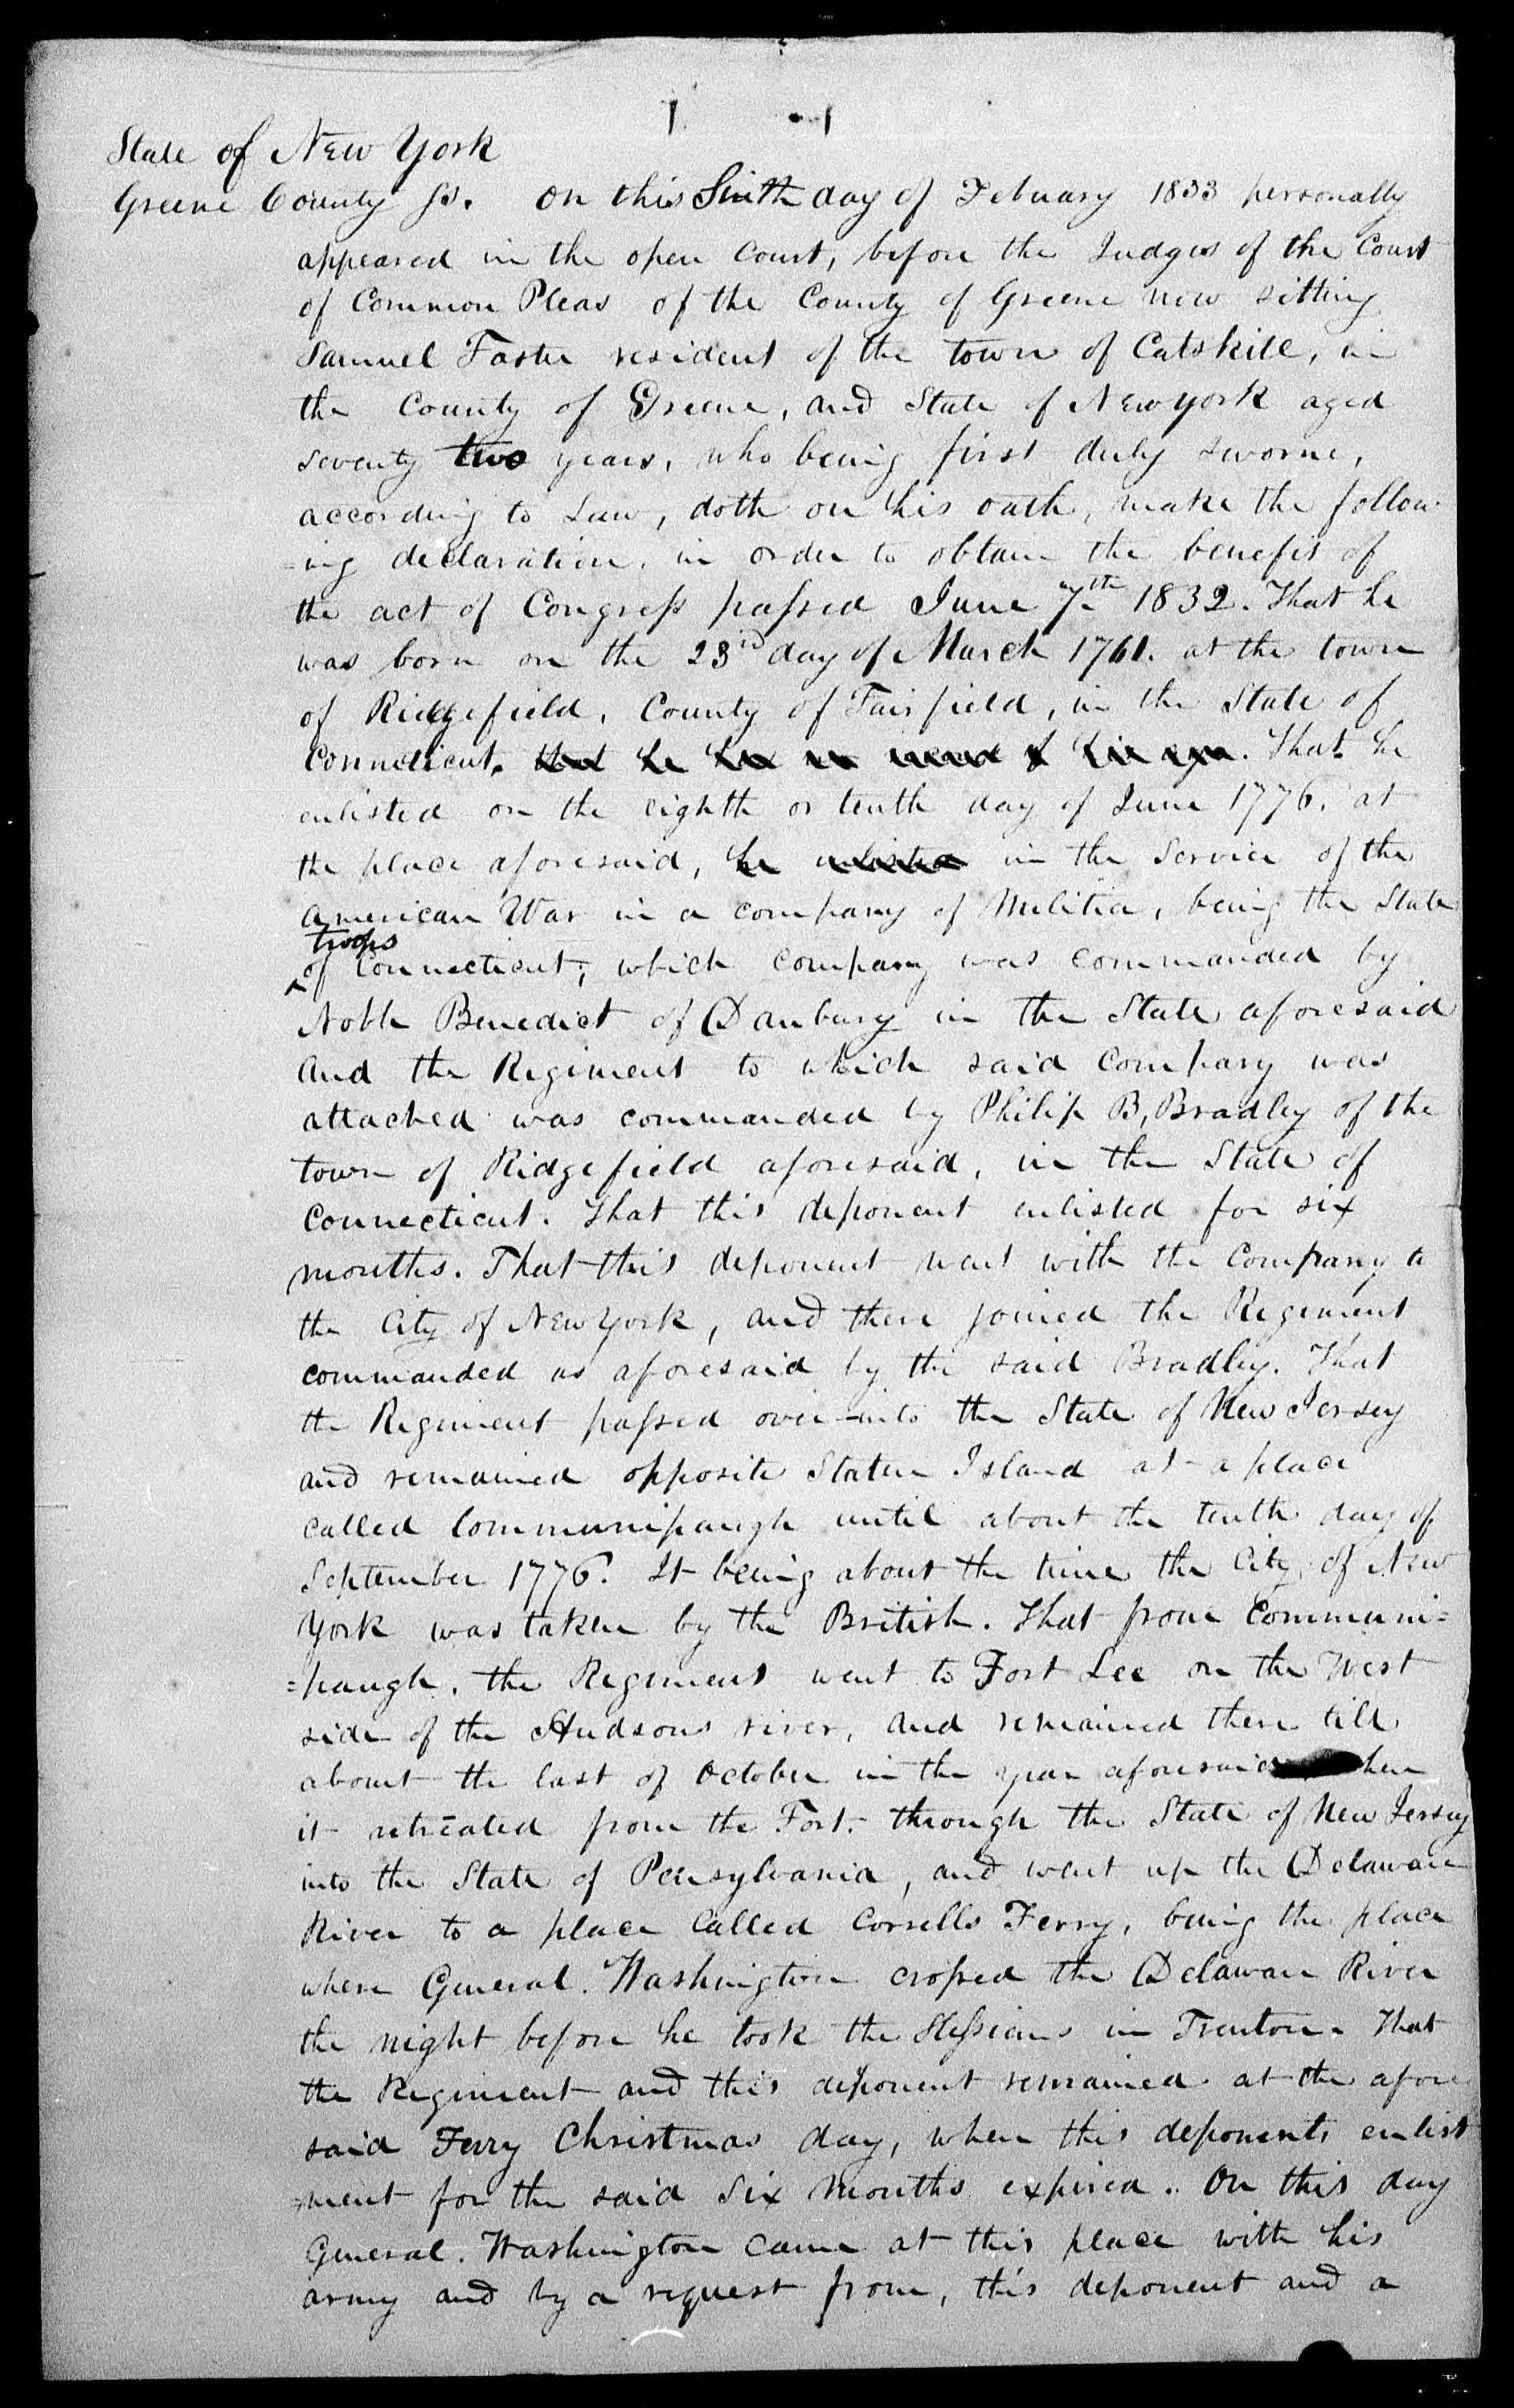State of New York
Greene County ss.
on this sixth day of February 1833, personally appeared in the open court, before the Judges of the Court of Common Pleas of the County of Greene now sitting Samuel Foster resident of the town of Catskill, in the County of Greene, in the State of New York aged seventy two years, who being first duly sworne, according to Law, doth on his oath, make the following declaration, in order to obtain the benefit of the act of Congress passed June 7th 1832. That he was born on the 23rd day of March 1761. at the town of Ridgefield, County of Fairfield, in the State of Connecticut. [words crossed out] That he enlisted on the eighth or tenth day of June 1776, at the place aforesaid, [words crossed out] in the Service of the American War in a company of Militia, being the State troops of Connecticut, which company was commanded by Noble Benedict of Danbury in the State aforesaid and the Regiment to which said company was attached was commanded by Philip B, Bradley of the town of Ridgefield aforesaid, in the State of Connecticut. That this deponent enlisted for six months. That this deponent went with the Company to the City of New York, and there joined the Regiment commanded as aforesaid by the said Bradley. That the Regiment passed over into the State of New Jersey and remained opposite Staten Island at a place called Communipaugh until about the tenth day of September 1776. It being about the time the City of New York was taken by the British. That from Communi==paugh, the Regiment went to Fort Lee on the West side of the Hudson river, and remained there till about the last of October in the year aforesaid [word illegible due to ink smear] it retreated from the Fort through the State of New Jersey into the State of Pensylvania, and went up the Delaware River to a place called Corrells Ferry, being the place where General. Washington crossed the Delaware River the night before he took the Hessians in Trenton. That the Regiment and this deponent remained at the afore said Ferry Christmas day, when this deponents enlist=ment for the said six months expired. On this day General. Washington came at this place with his army and by a request from, this deponent and a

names: Bradley, Washington, Philip B Bradley, Noble Benedict, Washington, Samuel Foster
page: 4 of 54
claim: survivor's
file: S. 13,043, Samuel Foster, Conn.